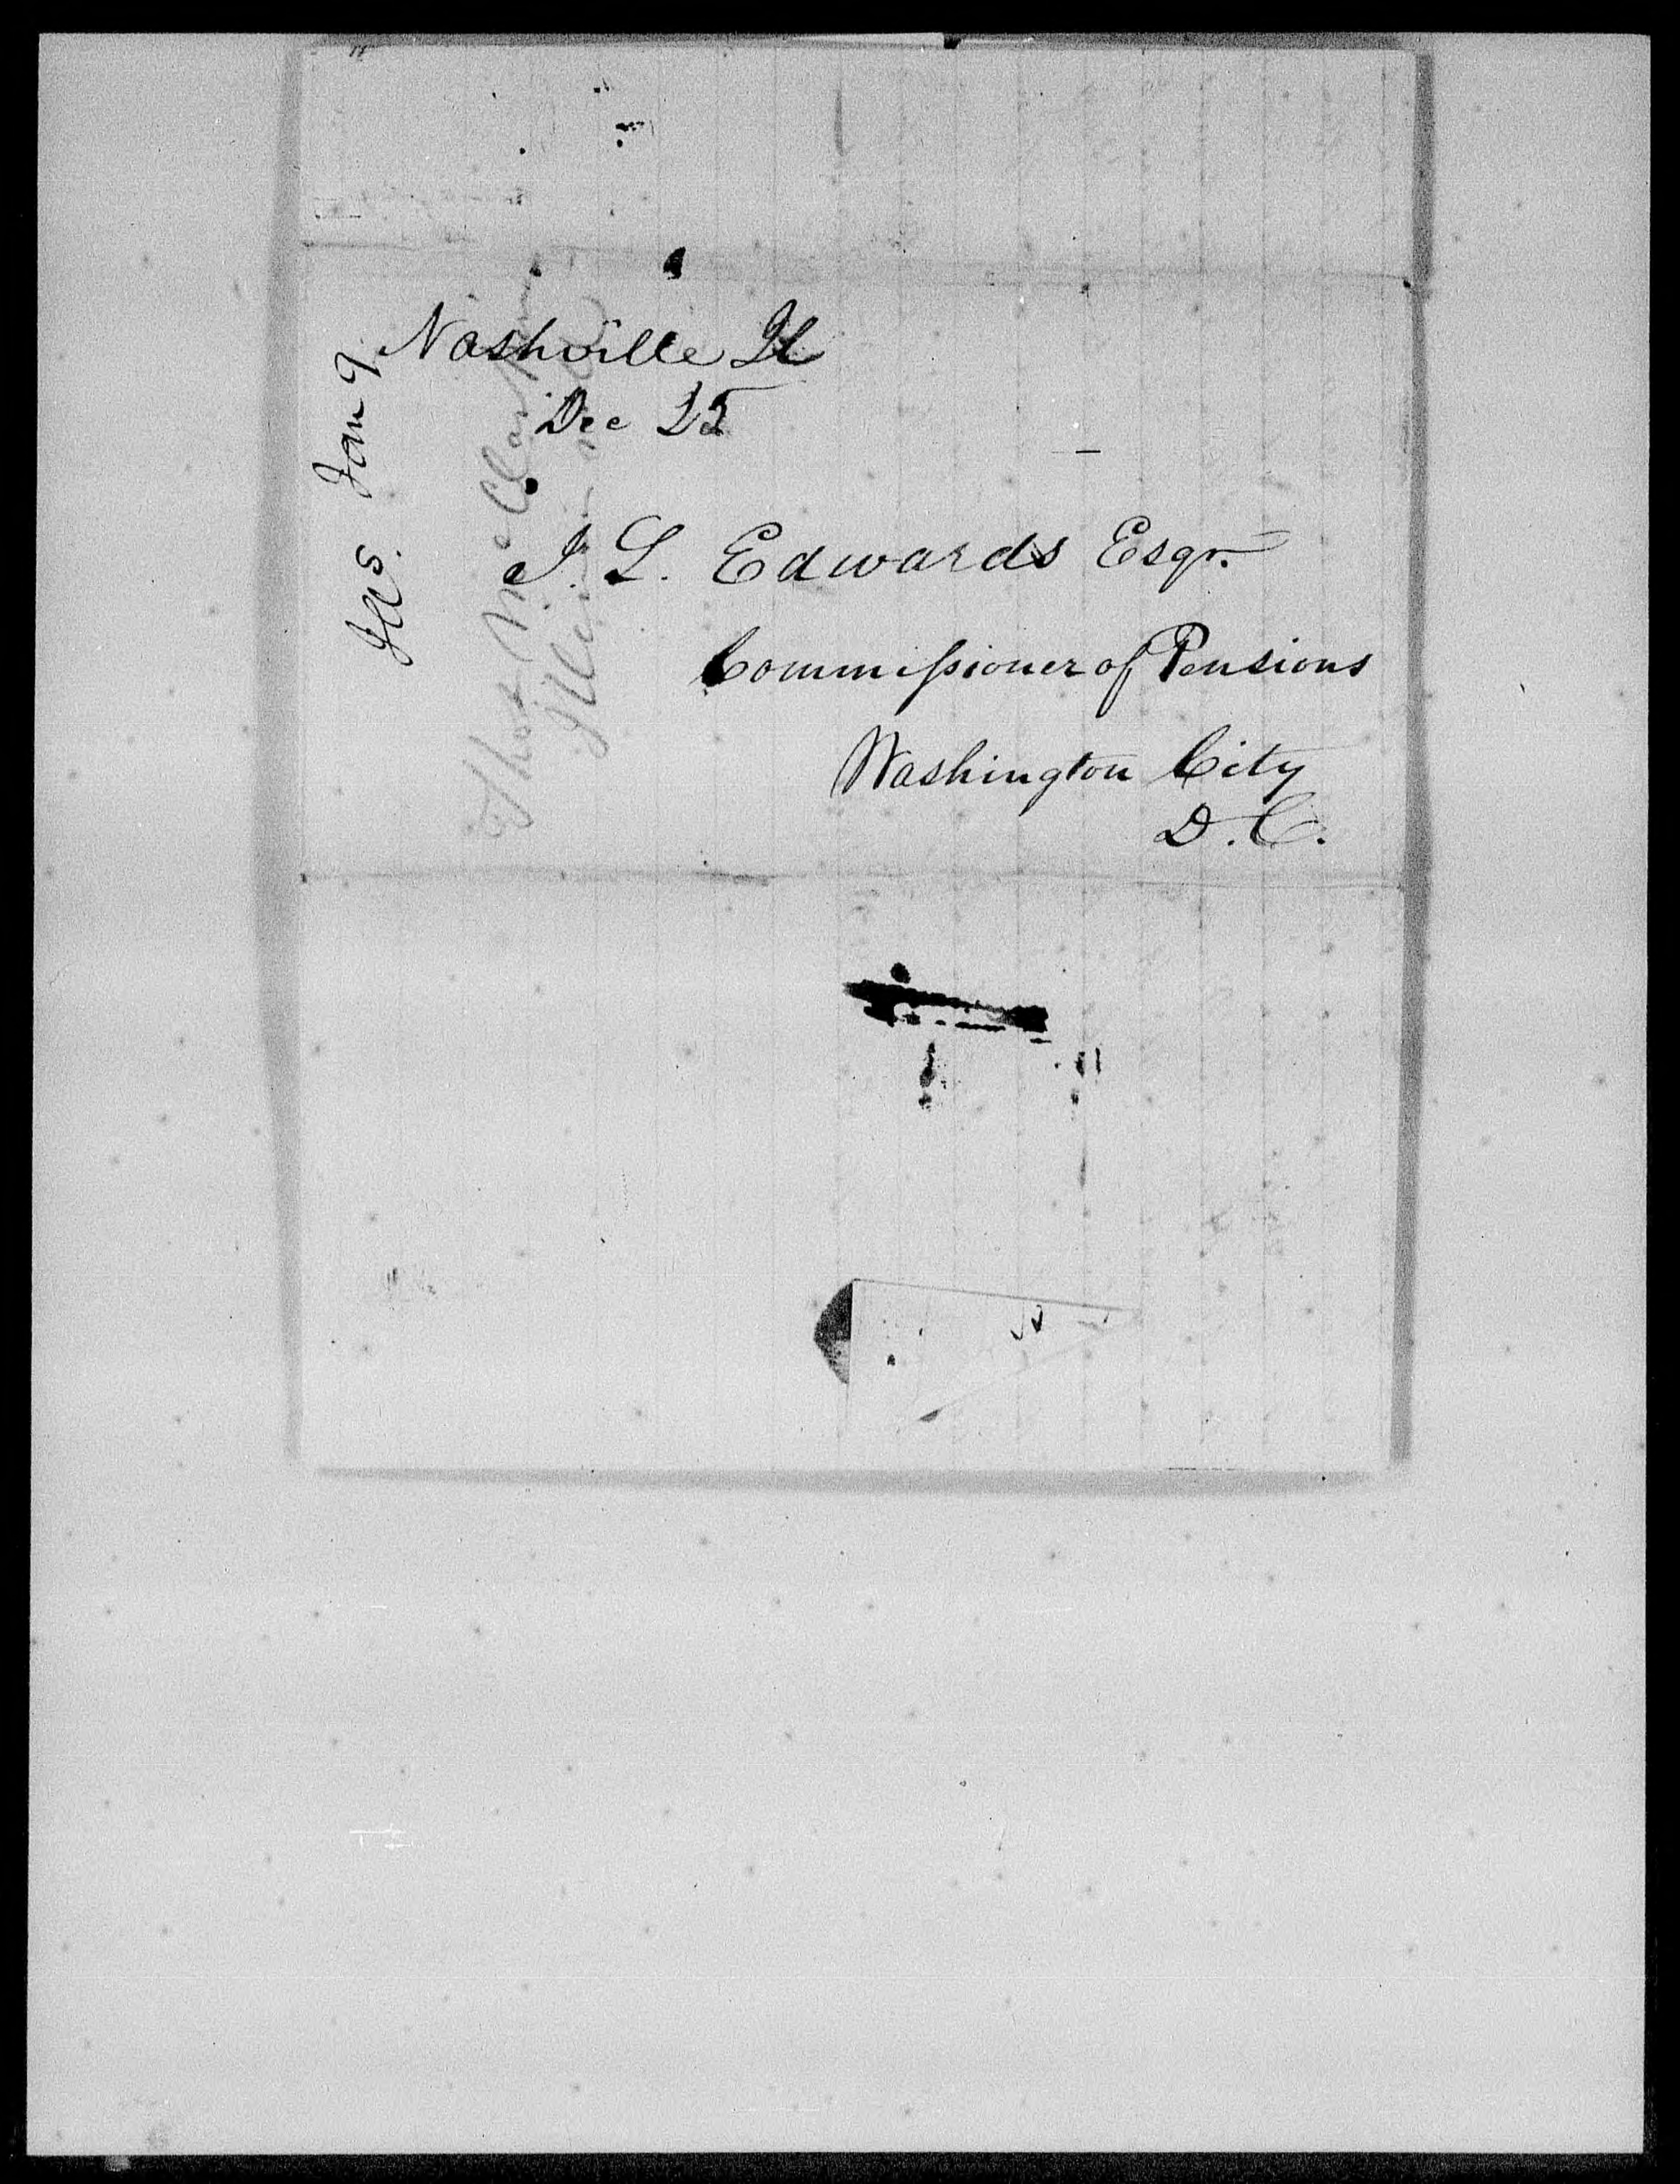Nashville Ill
Dec. 25

J.L. Edwards Esqr.
Commissioner of Pensions
Washington City
D.C.

Jas Jan 9
Thos McClurken
Illinois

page: 71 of 93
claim: widow's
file: W. 21792, for Thomas Mc Clurken, South Carolina